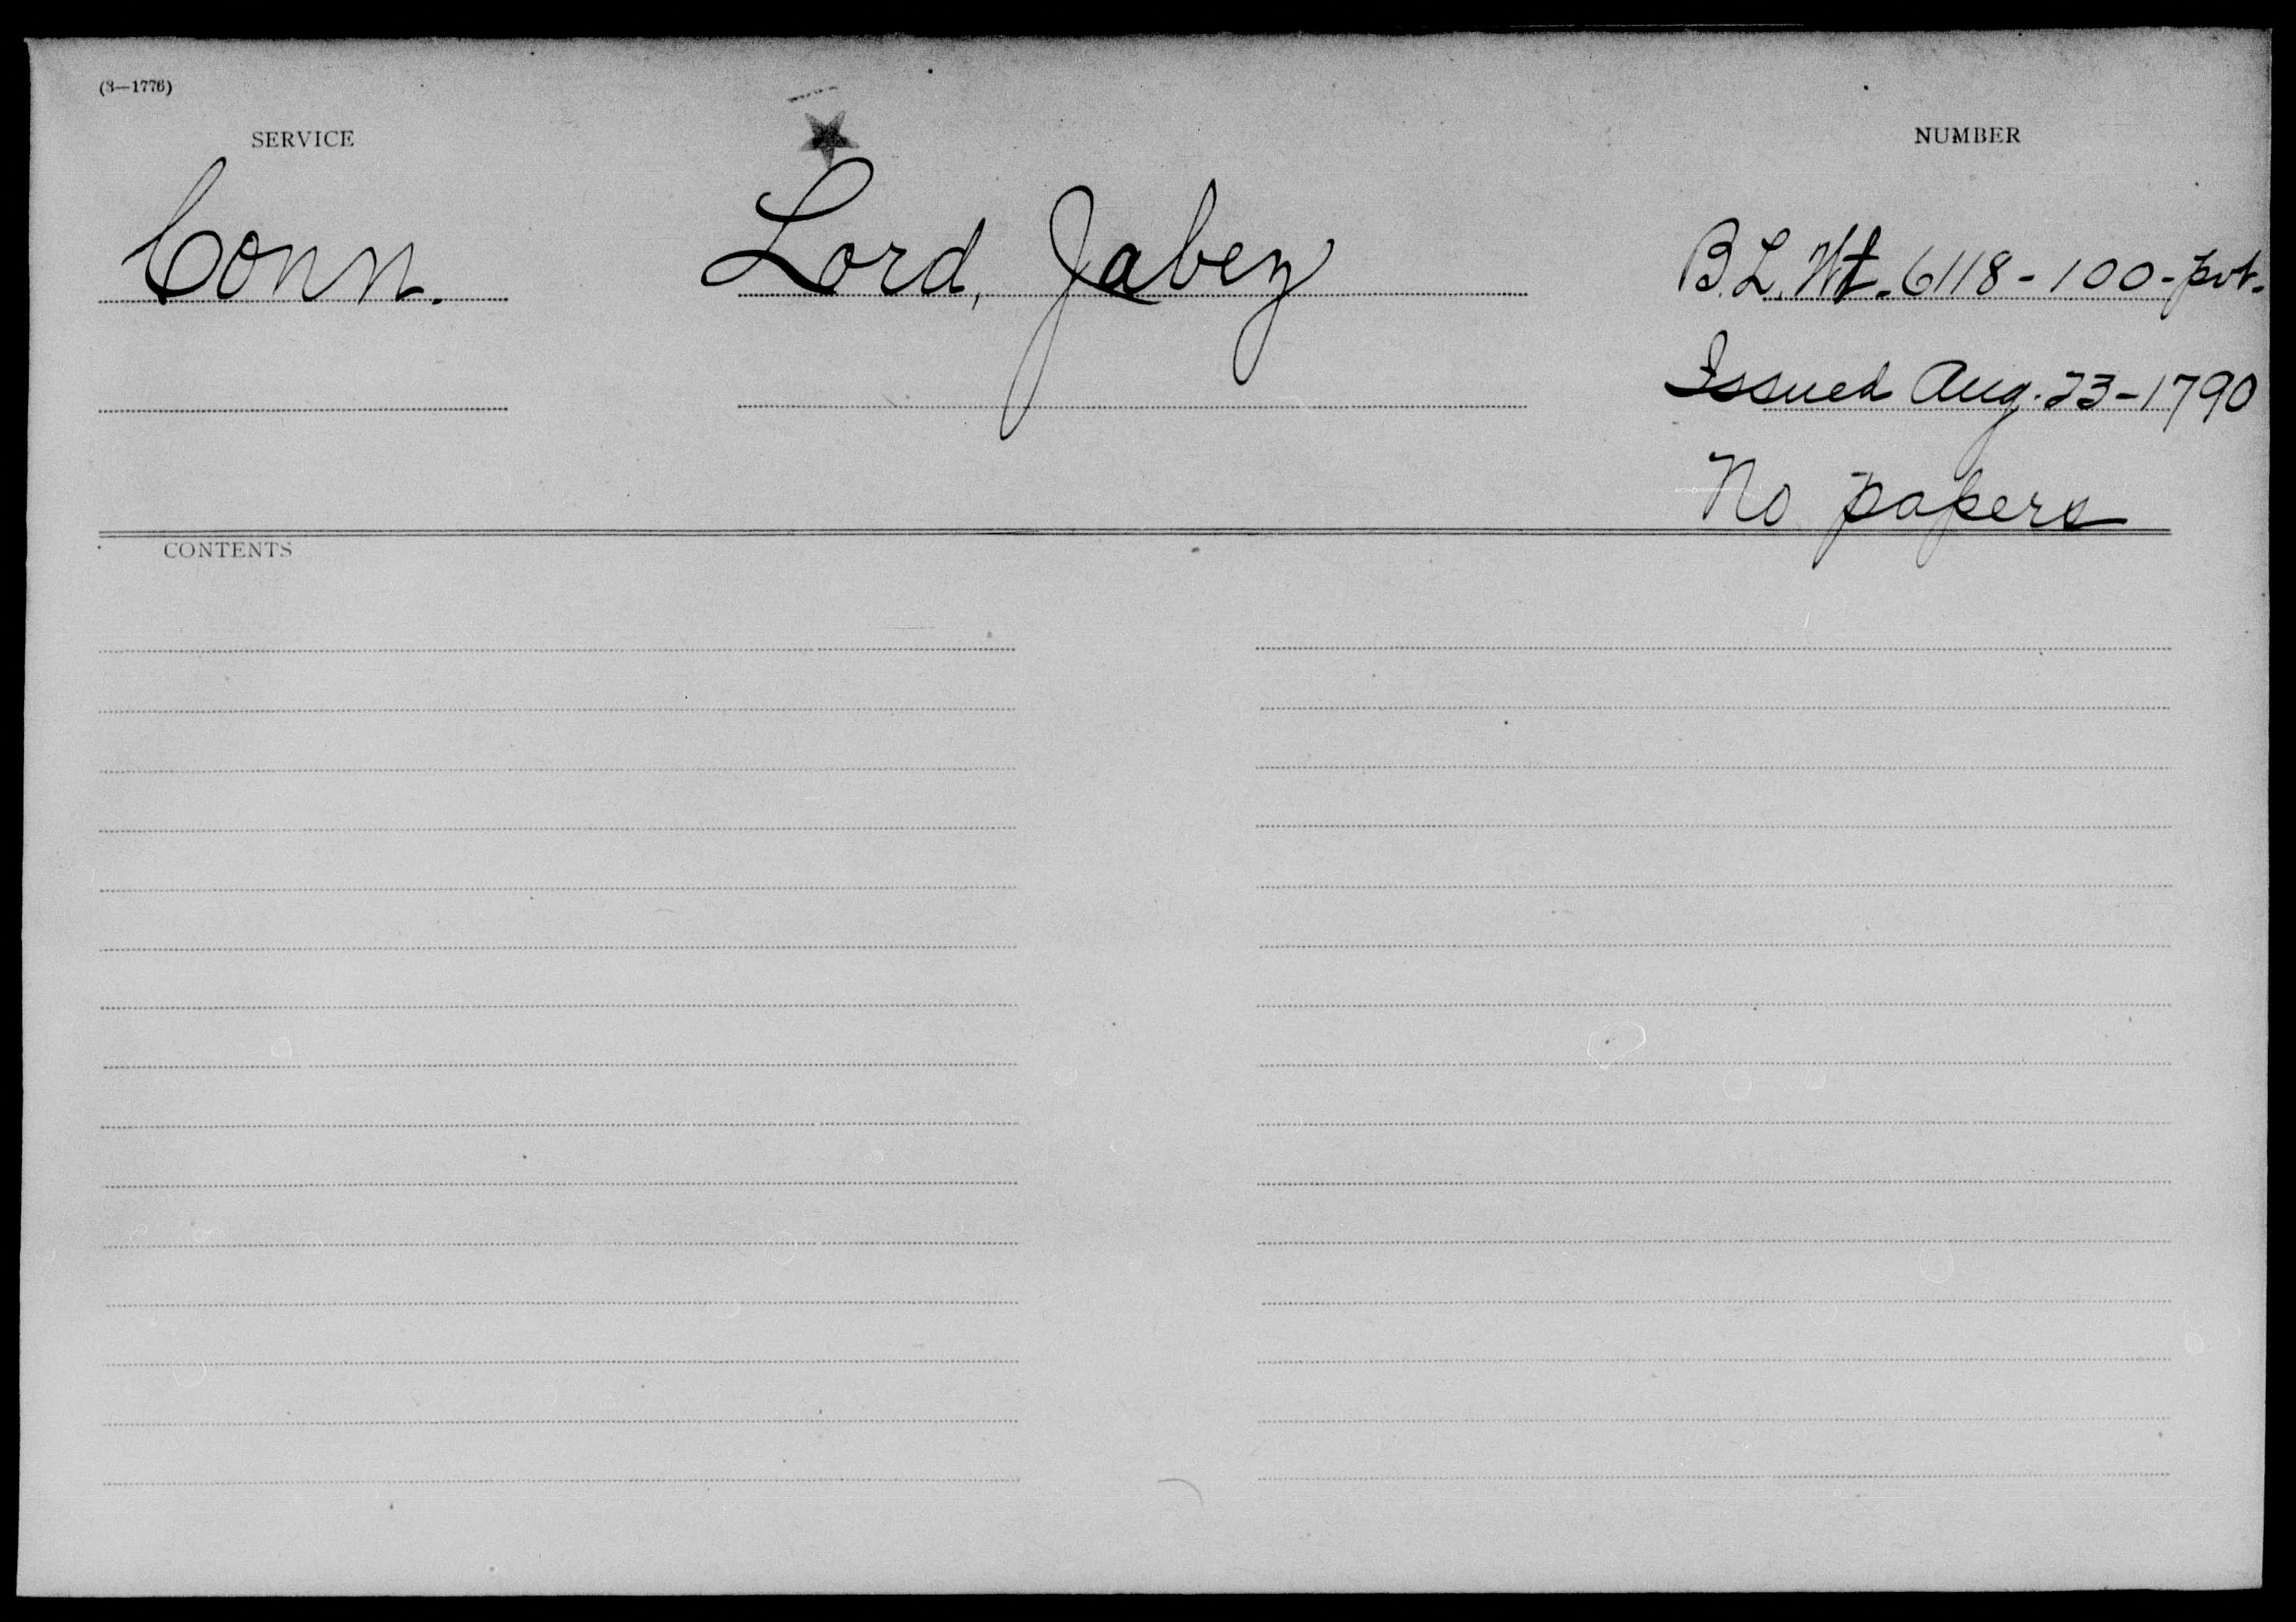[stamped with a star]
service     number
Conn.  Lord, Jabez   B.L. Wt. 6118-100-pvt.
Issued Aug. 23 - 1790
No papers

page: 1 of 5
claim: bounty land warrant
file: B. L. Wt. 6118-100, for Jabez Lord, Connecticut